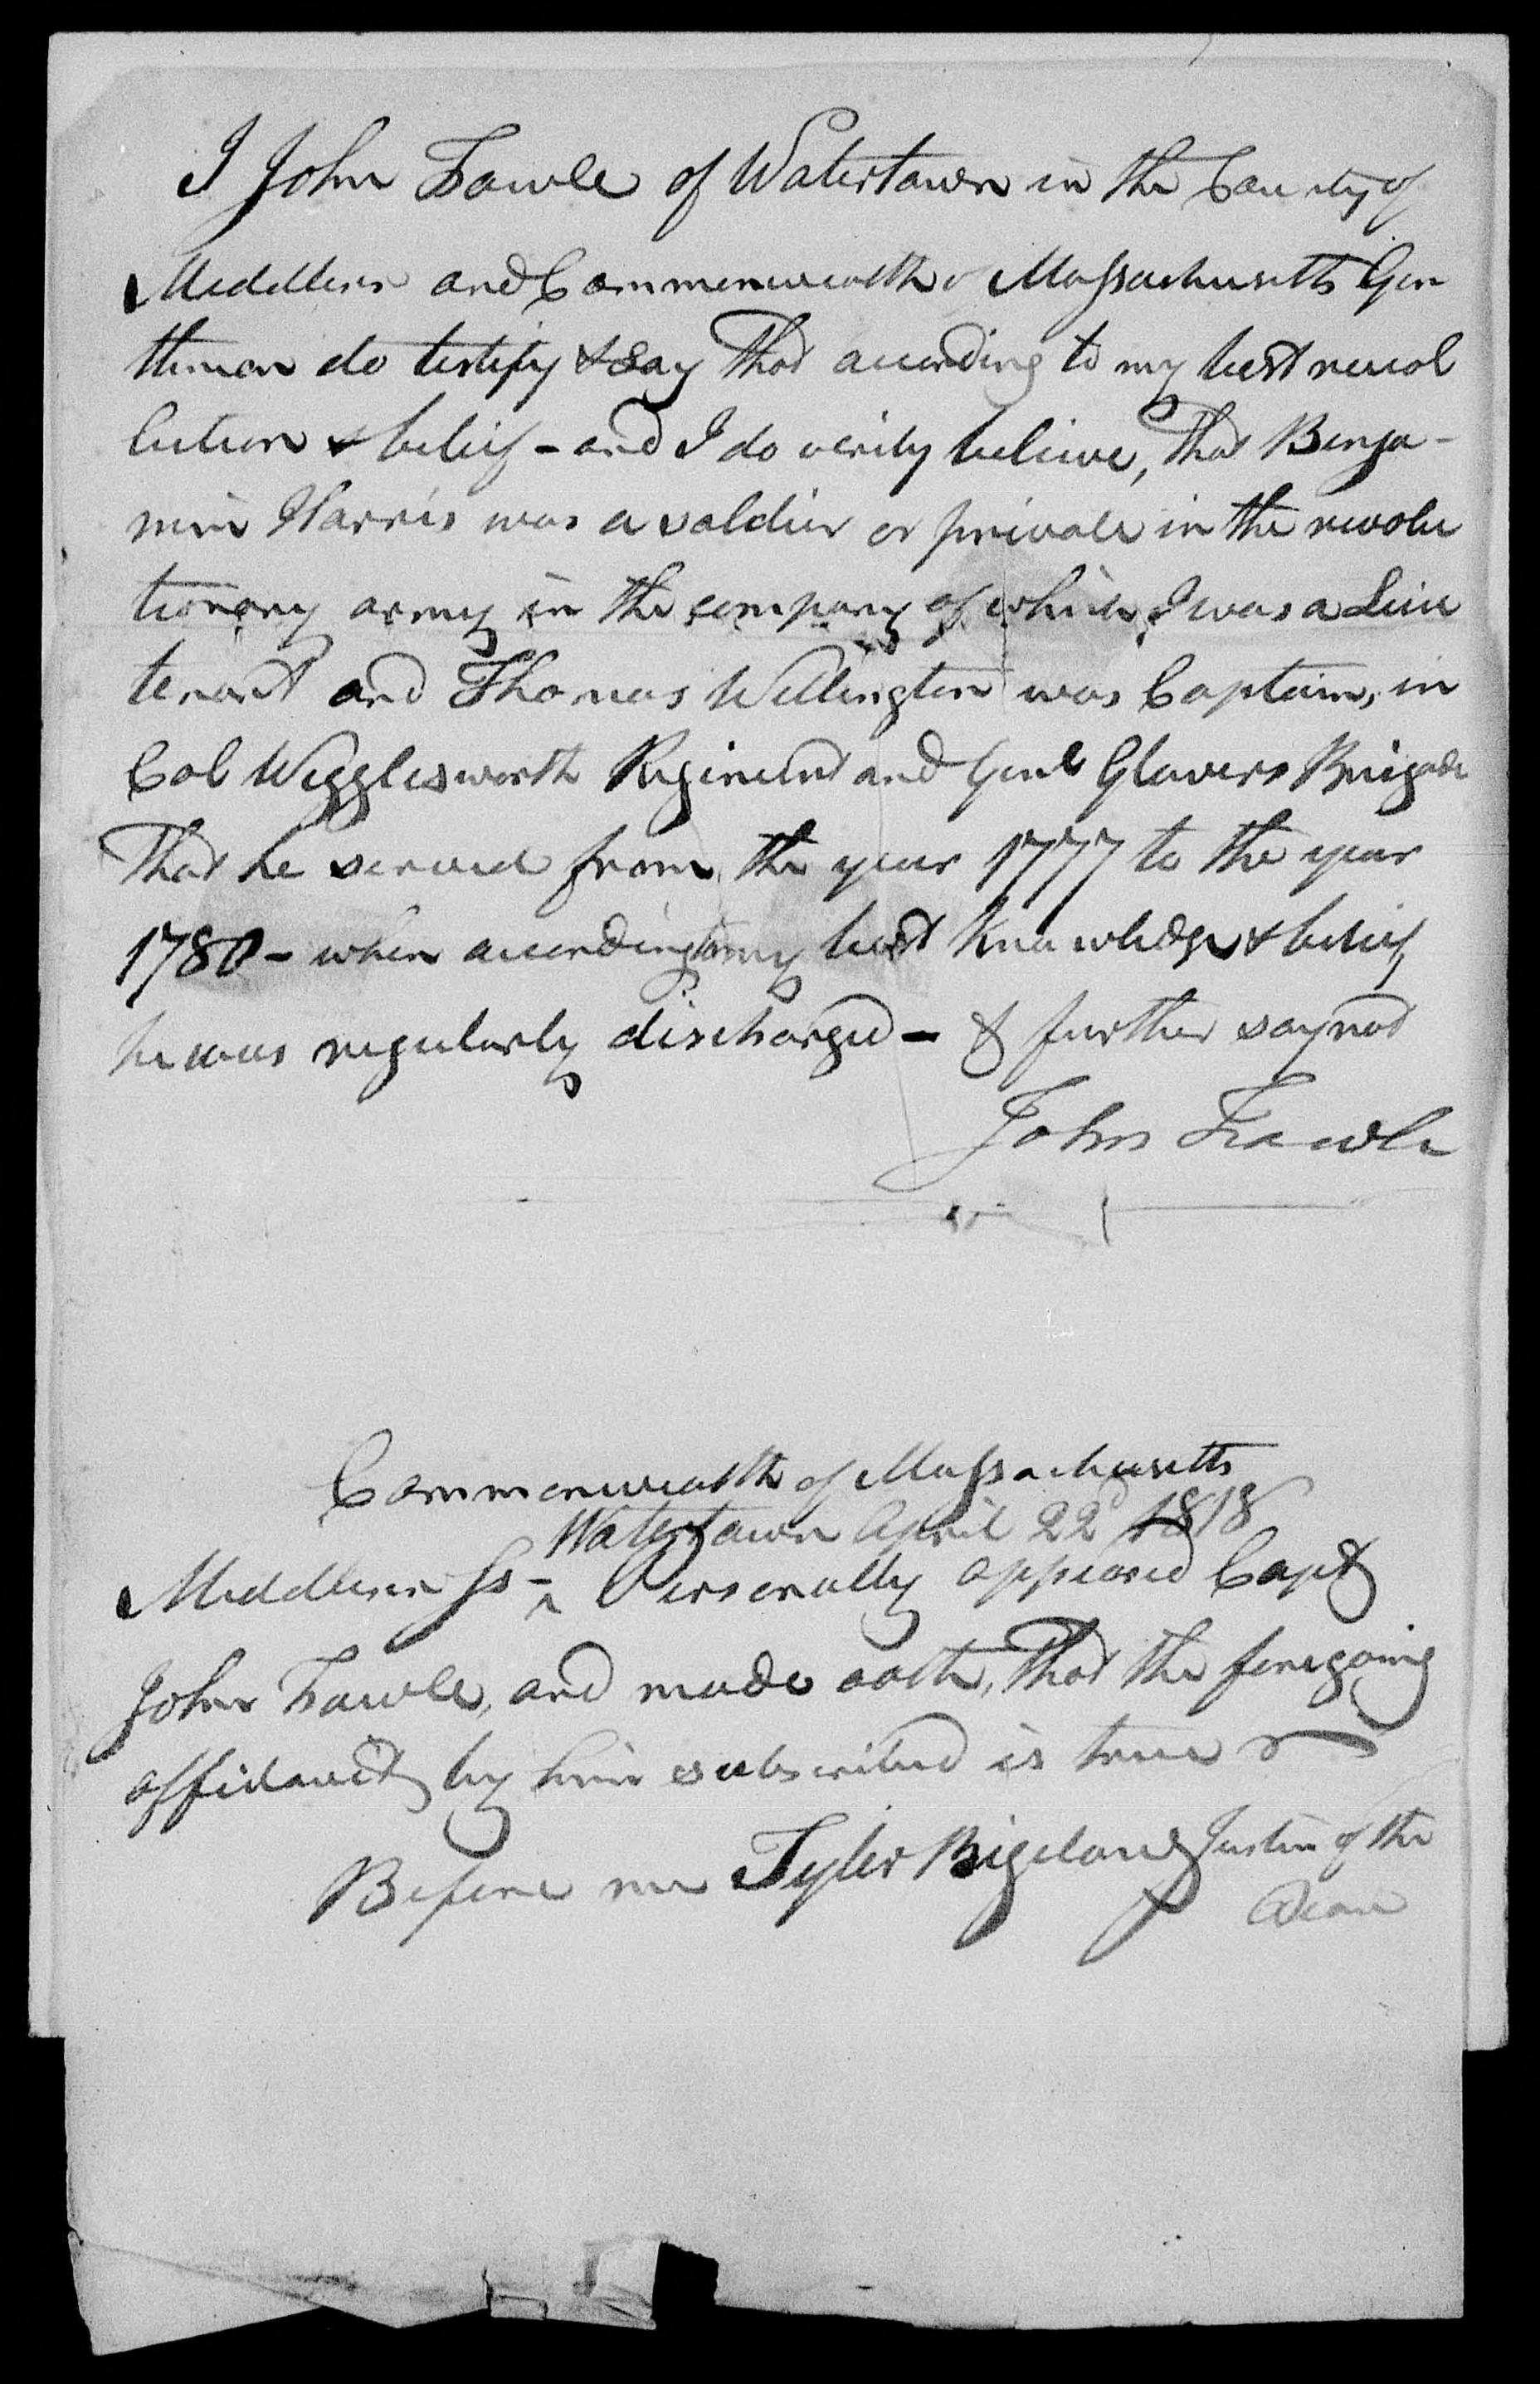I John Towle of Watertown in the County of Middlesex and Commonwealth of Massachusetts Gentleman do testify & say that according to my best recollection & belief - and I do verily believe, that Benja in Harris was a soldier or private in the revolutionary army in the company of which I was a Lieutenant and Thomas Willington was Captain, in Col Wigglesworth Regiment and Genl Glovers Brigade 

that he served from the year 1777 to the year 1780, when according to my best knowledge & belief he was regularly discharged & further say not 
John Towle 

Commonwealth of Massachusetts 
Middlesex SS 
Watertown April 22 1818 
Personally appeared Capt John Towle, and made oath that the foregoing by him subscribed is true 
Before me Tyler Bigelow Justice of the Peace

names: Thomas Wellington, John Fowle, Benjamin Harris, John Fowle, John Fowle, Tyler Bigelow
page: 10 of 62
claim: survivor's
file: S. 38816, Benjamin Harris, Mass.